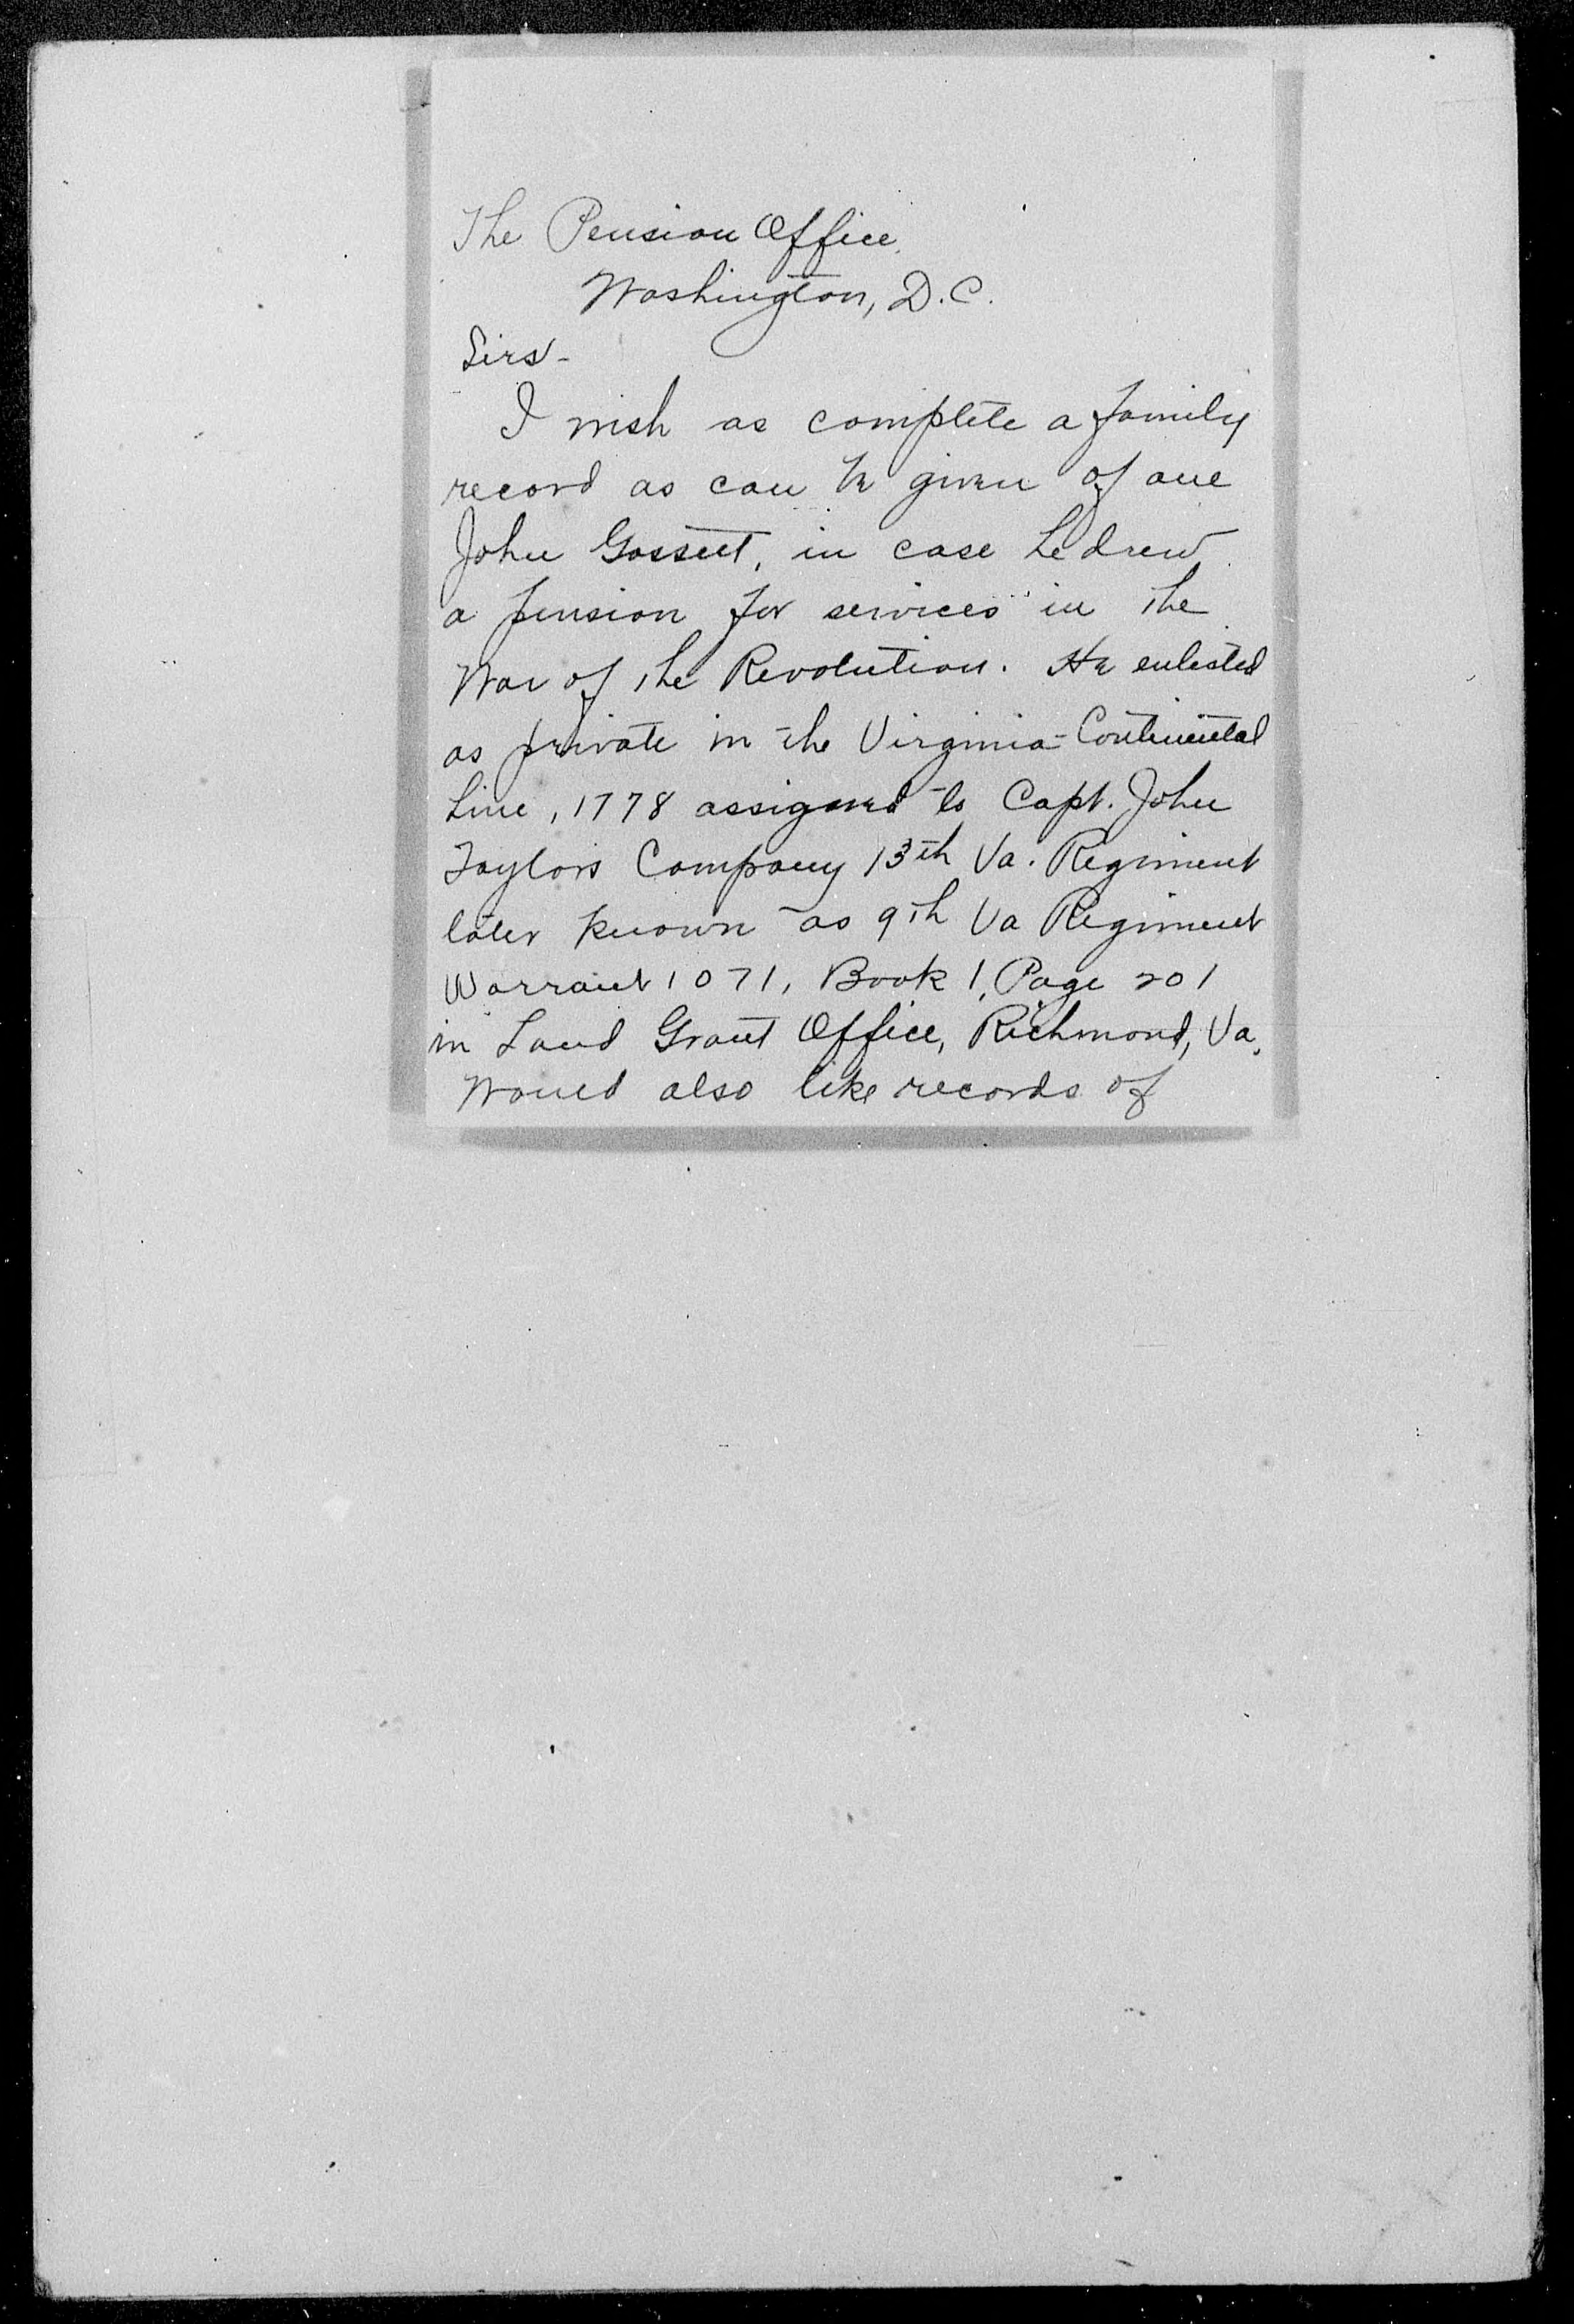The Pension Office
Washington, D.C.
Sirs,
I wish as complete a family record as can be given of one John Gosset, in case he drew a pension for services in the War of the Revolutions. He enlisted as private in the Virginia Continental Line, 1778 assigned to Capt. John Taylor's Company 13the Va. Regiment later known as 9th Va. Regiment Warrant 1071, Book 1, Page 201 in Land Grant Office, Richmond, Va. Would also like records of
[continued next page]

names: John Gosseet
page: 12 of 21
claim: survivor's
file: S. 42,750, John Gosset, Va.